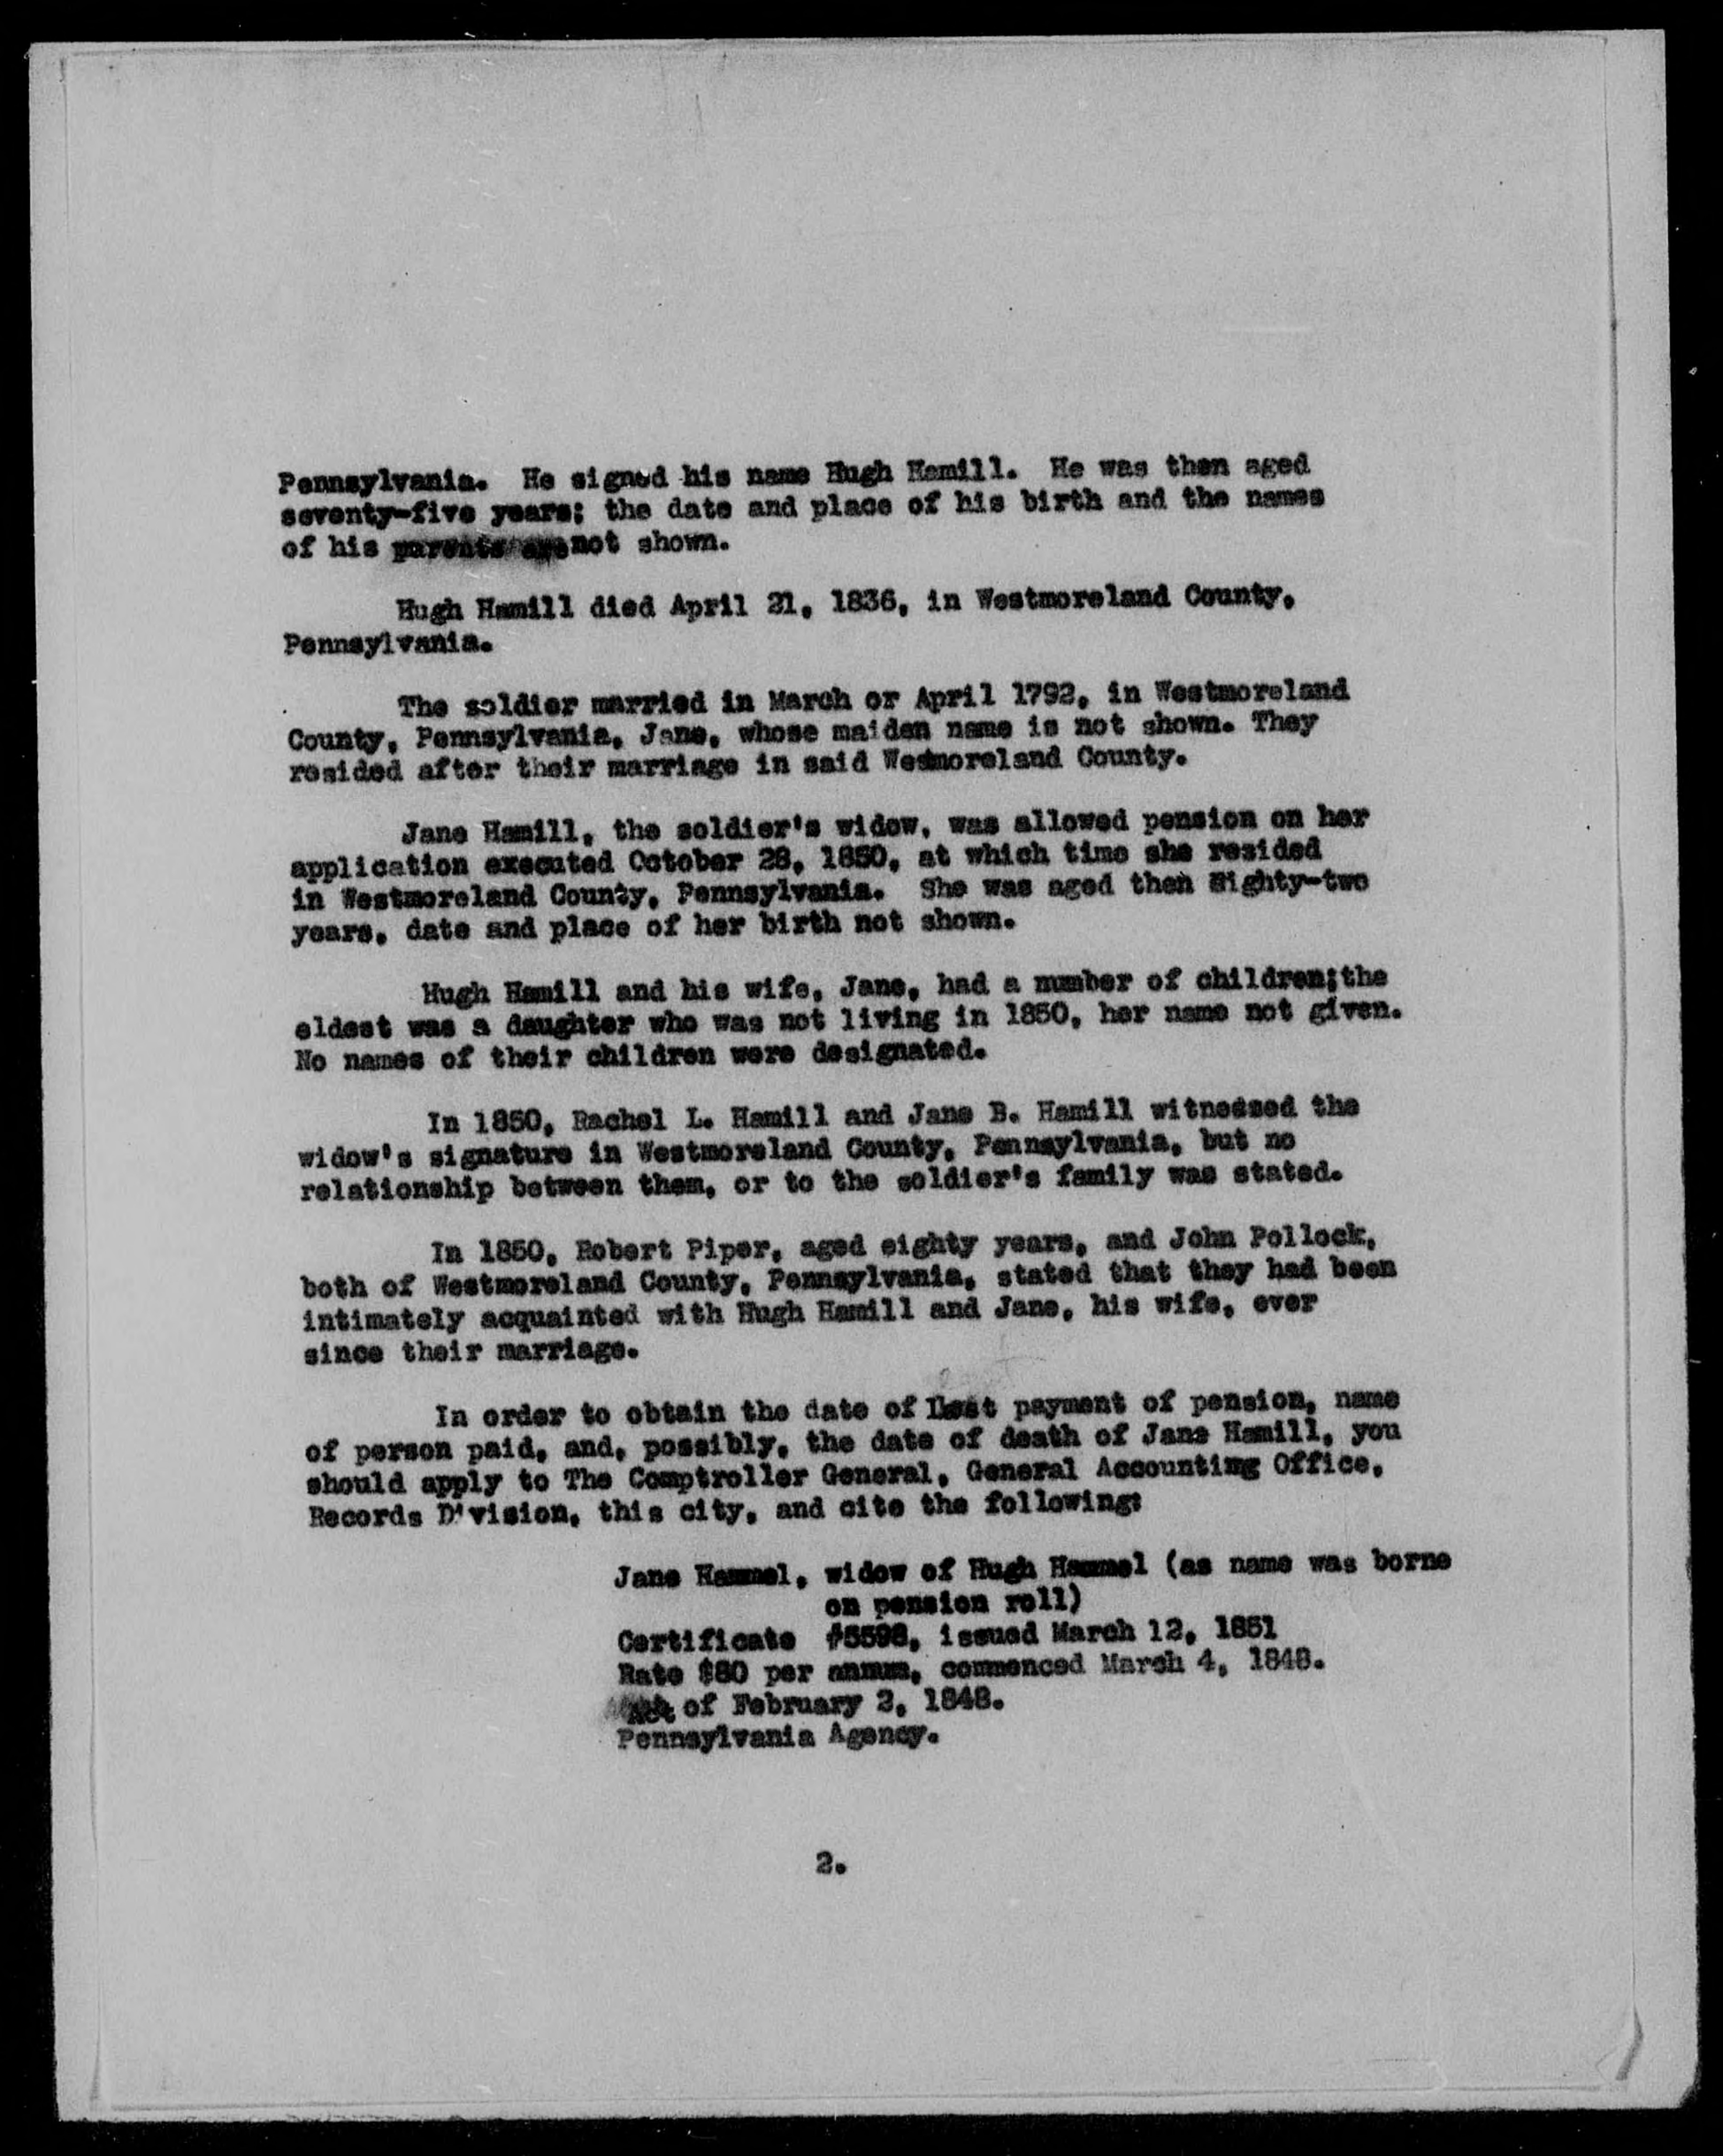Pennsylvania.  He signed his name Hugh Hamill.  He was then aged seventy-five years; the date and place of his birth and the names of his parents are not shown.
Hugh Hamill died April 21, 1836, in Westmoreland County, Pennsylvania.
The soldier married in March or April 1792, in Westmoreland County, Pennsylvania, Jane whose maiden name is not shown. They resided after their marriage in said Westmoreland County.
Jane Hamill, the soldier's widow, was allowed pension on her application executed October 28, 1850, at which time she resided in Westmoreland County, Pennsylvania.  She was aged then eighty-two years, date and place of her birth was not shown.
Hugh Hamill and his wife, Jane, had a number of children; the eldest was a daughter who was not living in 1850, her name not given.  No names of their children were designated.
in 1850, Rachel L. Hamill and Jane B. Hamill witnessed the widow's signature in Westmoreland County, Pennsylvania, but no relationship between them, or to the soldier's family was stated.
In 1850, Robert Piper, aged eighty years, and John Pollock, both of Westmoreland County. Pennsylvania, stated that they had been intimately acquainted with Hugh Hamill and Jane, his wife, ever since their marriage.
In order to obtain the date of last payment of pension, name of person paid, and possibly, the date of death of Jane Hamill, you should apply to The Comptroller General, General Accounting Office, Records Division, this city and cite the following:
Jane Hammel, widow of Hugh Hammel (as name was borne on pension roll)
Certificate 5598, issued March 12, 1851
Rate $80 per annum, commenced March 4, 1848.
Ac t of February 2, 1848. Pennsylvania Agency.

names: Hugh Hamill, Hugh Hammel, Hugh Hamill, John Pollock, Hugh Hamill, Rachel L Hamill, Jane Hammel, Jane Hamill, Robert Piper, Jane, Jane Hamill, Hugh Hamill, Jane Hamill, Jane Hamill, Jane B Hamill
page: 40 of 92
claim: widow's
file: W 1173, Robert Hamill, Penn.